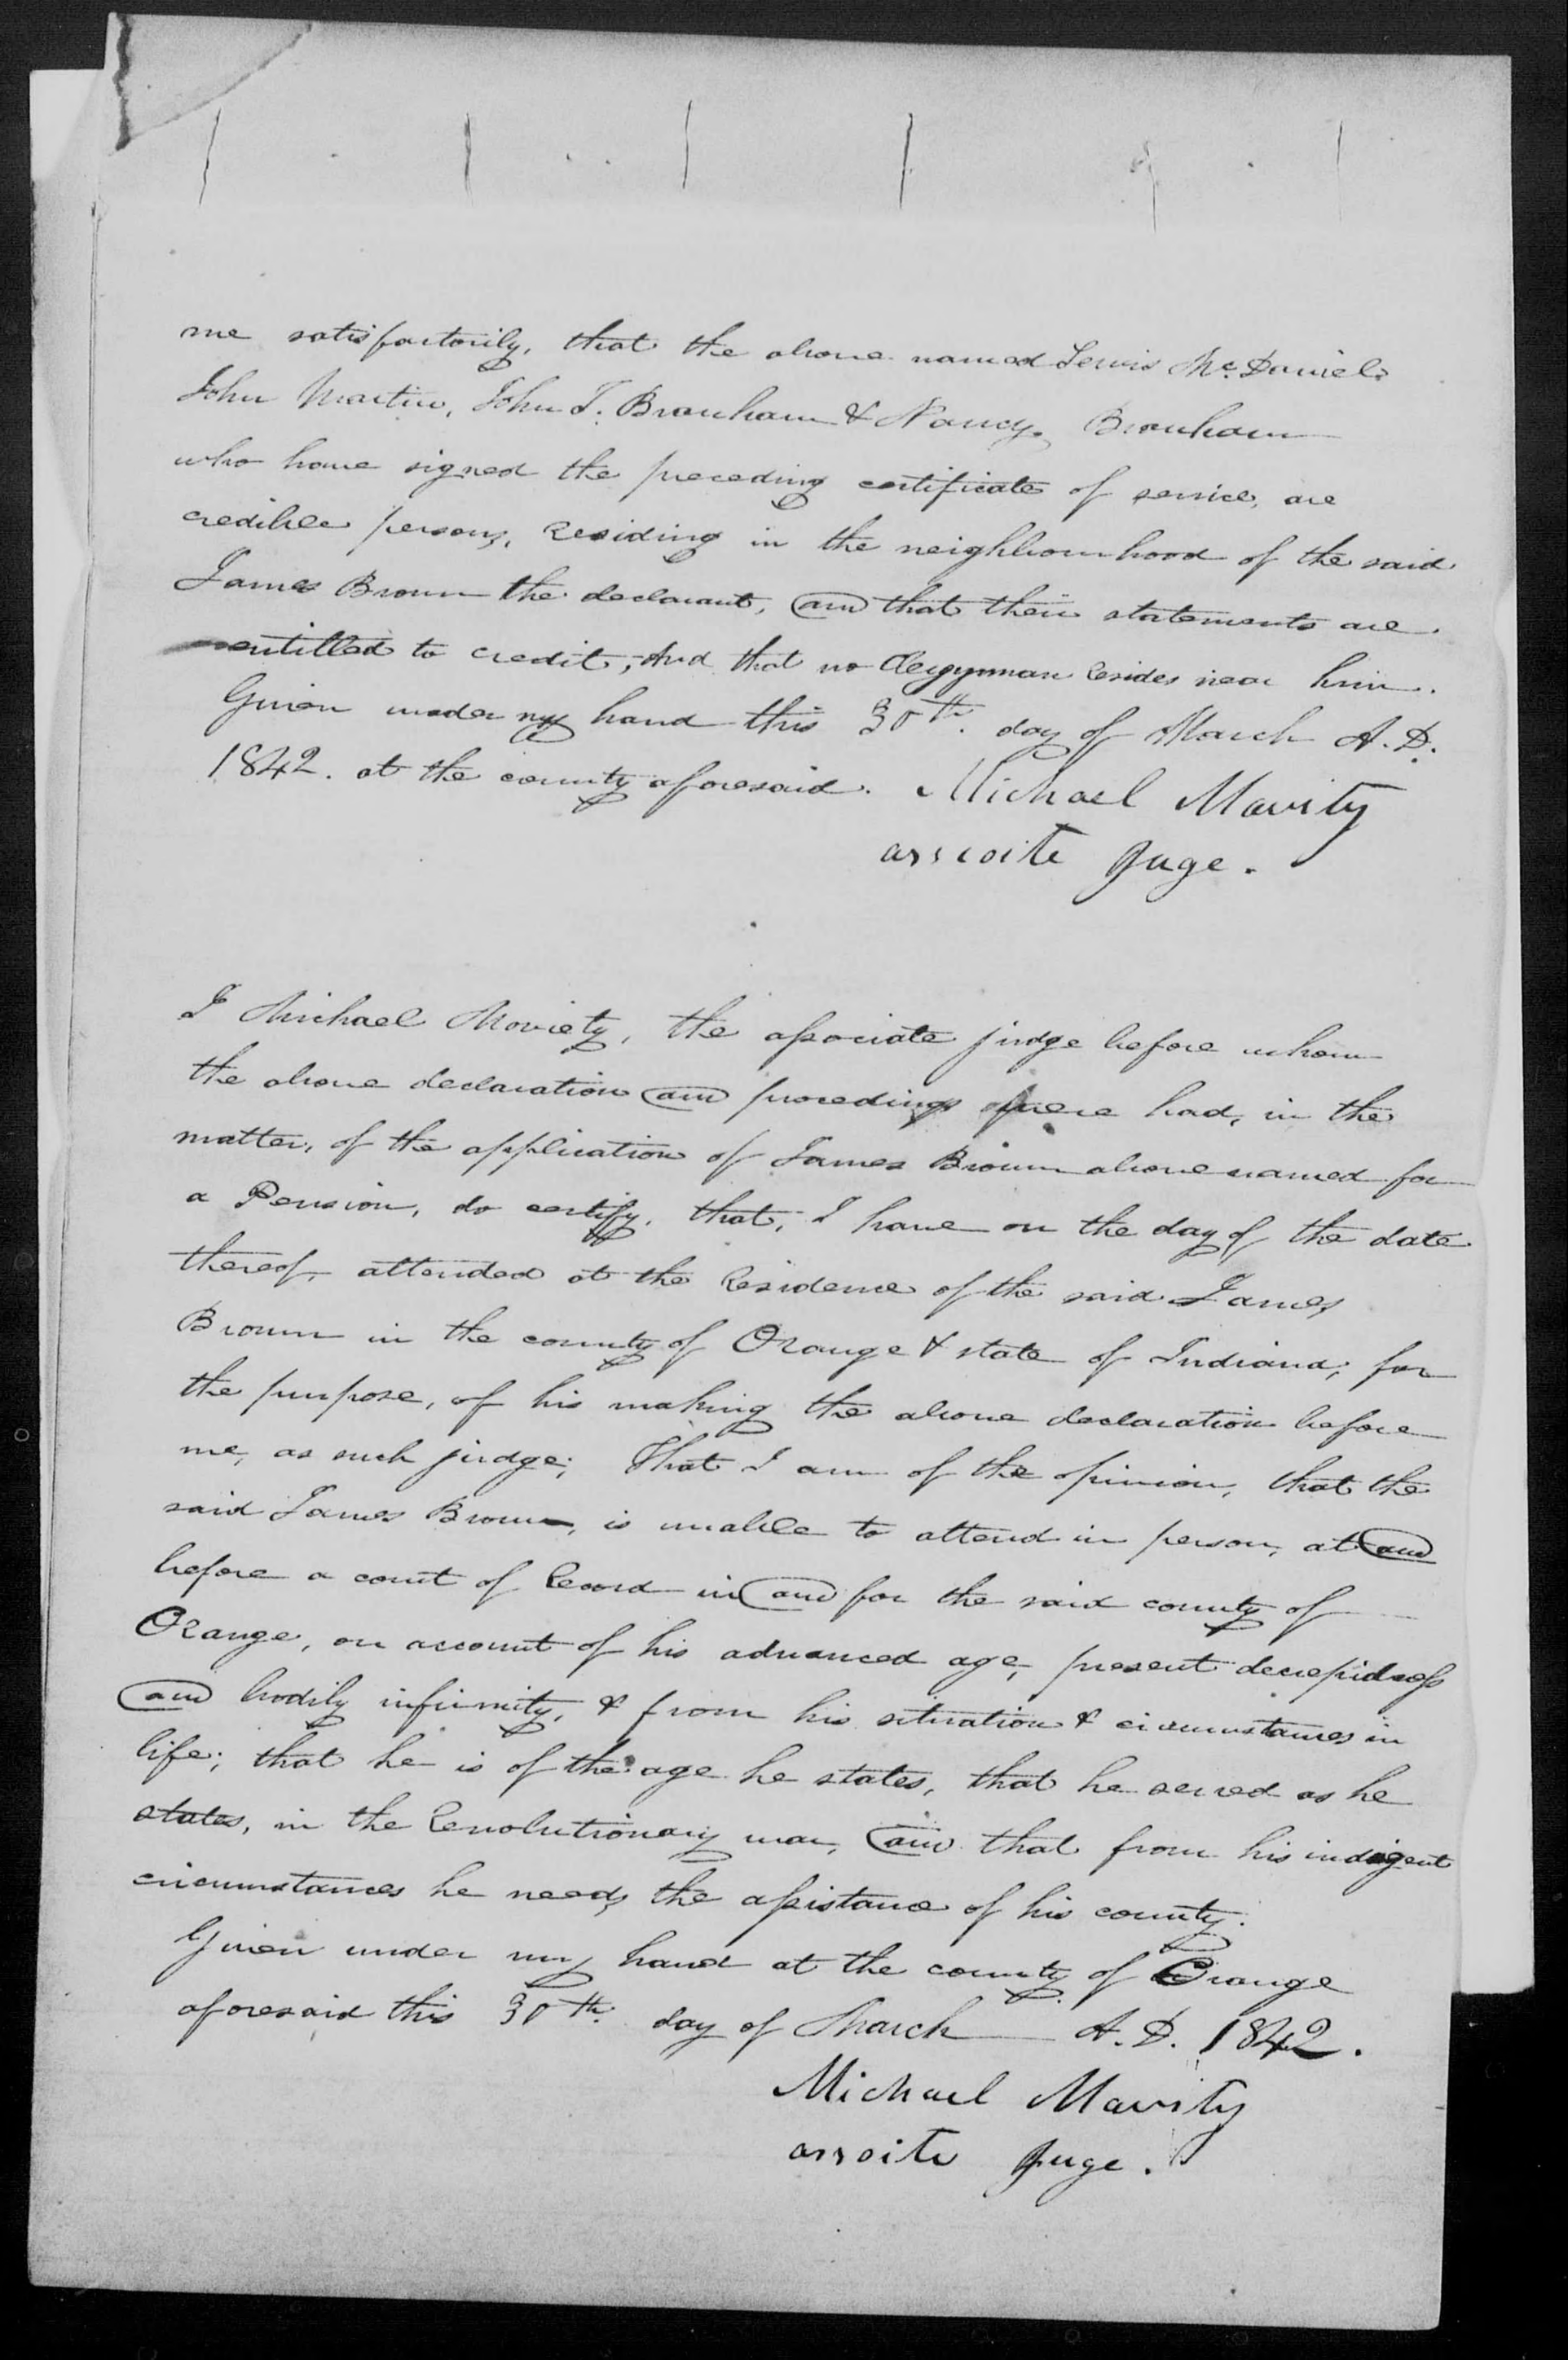me satisfactorily, that the above named Lewis McDaniel John Martin, John T. Branham & Nancy Branham
who have signed the preceding certificate of service, are credible persons, residing in the neighbourhood of the said
James Brown the declarant, and that their statements are entitled to credit, And that no Clergyman resides near him. Given under my hand this 30th day of March A.D. 1842. at the county aforesaid Michael Mavity associate
Judge
I, Michael Mavity, the associate Judge before whom the above declaration and proceedings were had, in the matter of the application of James Brown above named for
a Pension, do certify that I have on the day of the date thereof, attended at the Residence of the said James
Brown in the County of Orange & State of Indiana for the purpose, of his making the above declaration before me as such judge; That I am of the opinion, that the said James Brown, is unable to attend in person, at and before a court of Record in and for the said County of Orange, on account of his advanced age present decrepidness and bodily infirmity, & from his situation & circumstances in
that he is of the age he states, that he served as he States, in the Revolutionary war, and that from his indigent circumstances he needs the assistance of his county.
Given under my hand at the County of Orange aforesaid this 30th day of March A.D. 1842.
s/ Michael Mavity associate Judge.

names: James Brown, James Brown, Nancy Branham, Lewis Mc Daniel, John T Branham, John Martin, James Brown, Michael Mavity, Michael Moviety, Michael Mavity, James Brown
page: 13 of 41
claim: rejected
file: R. 1309, James Brown, S.C.